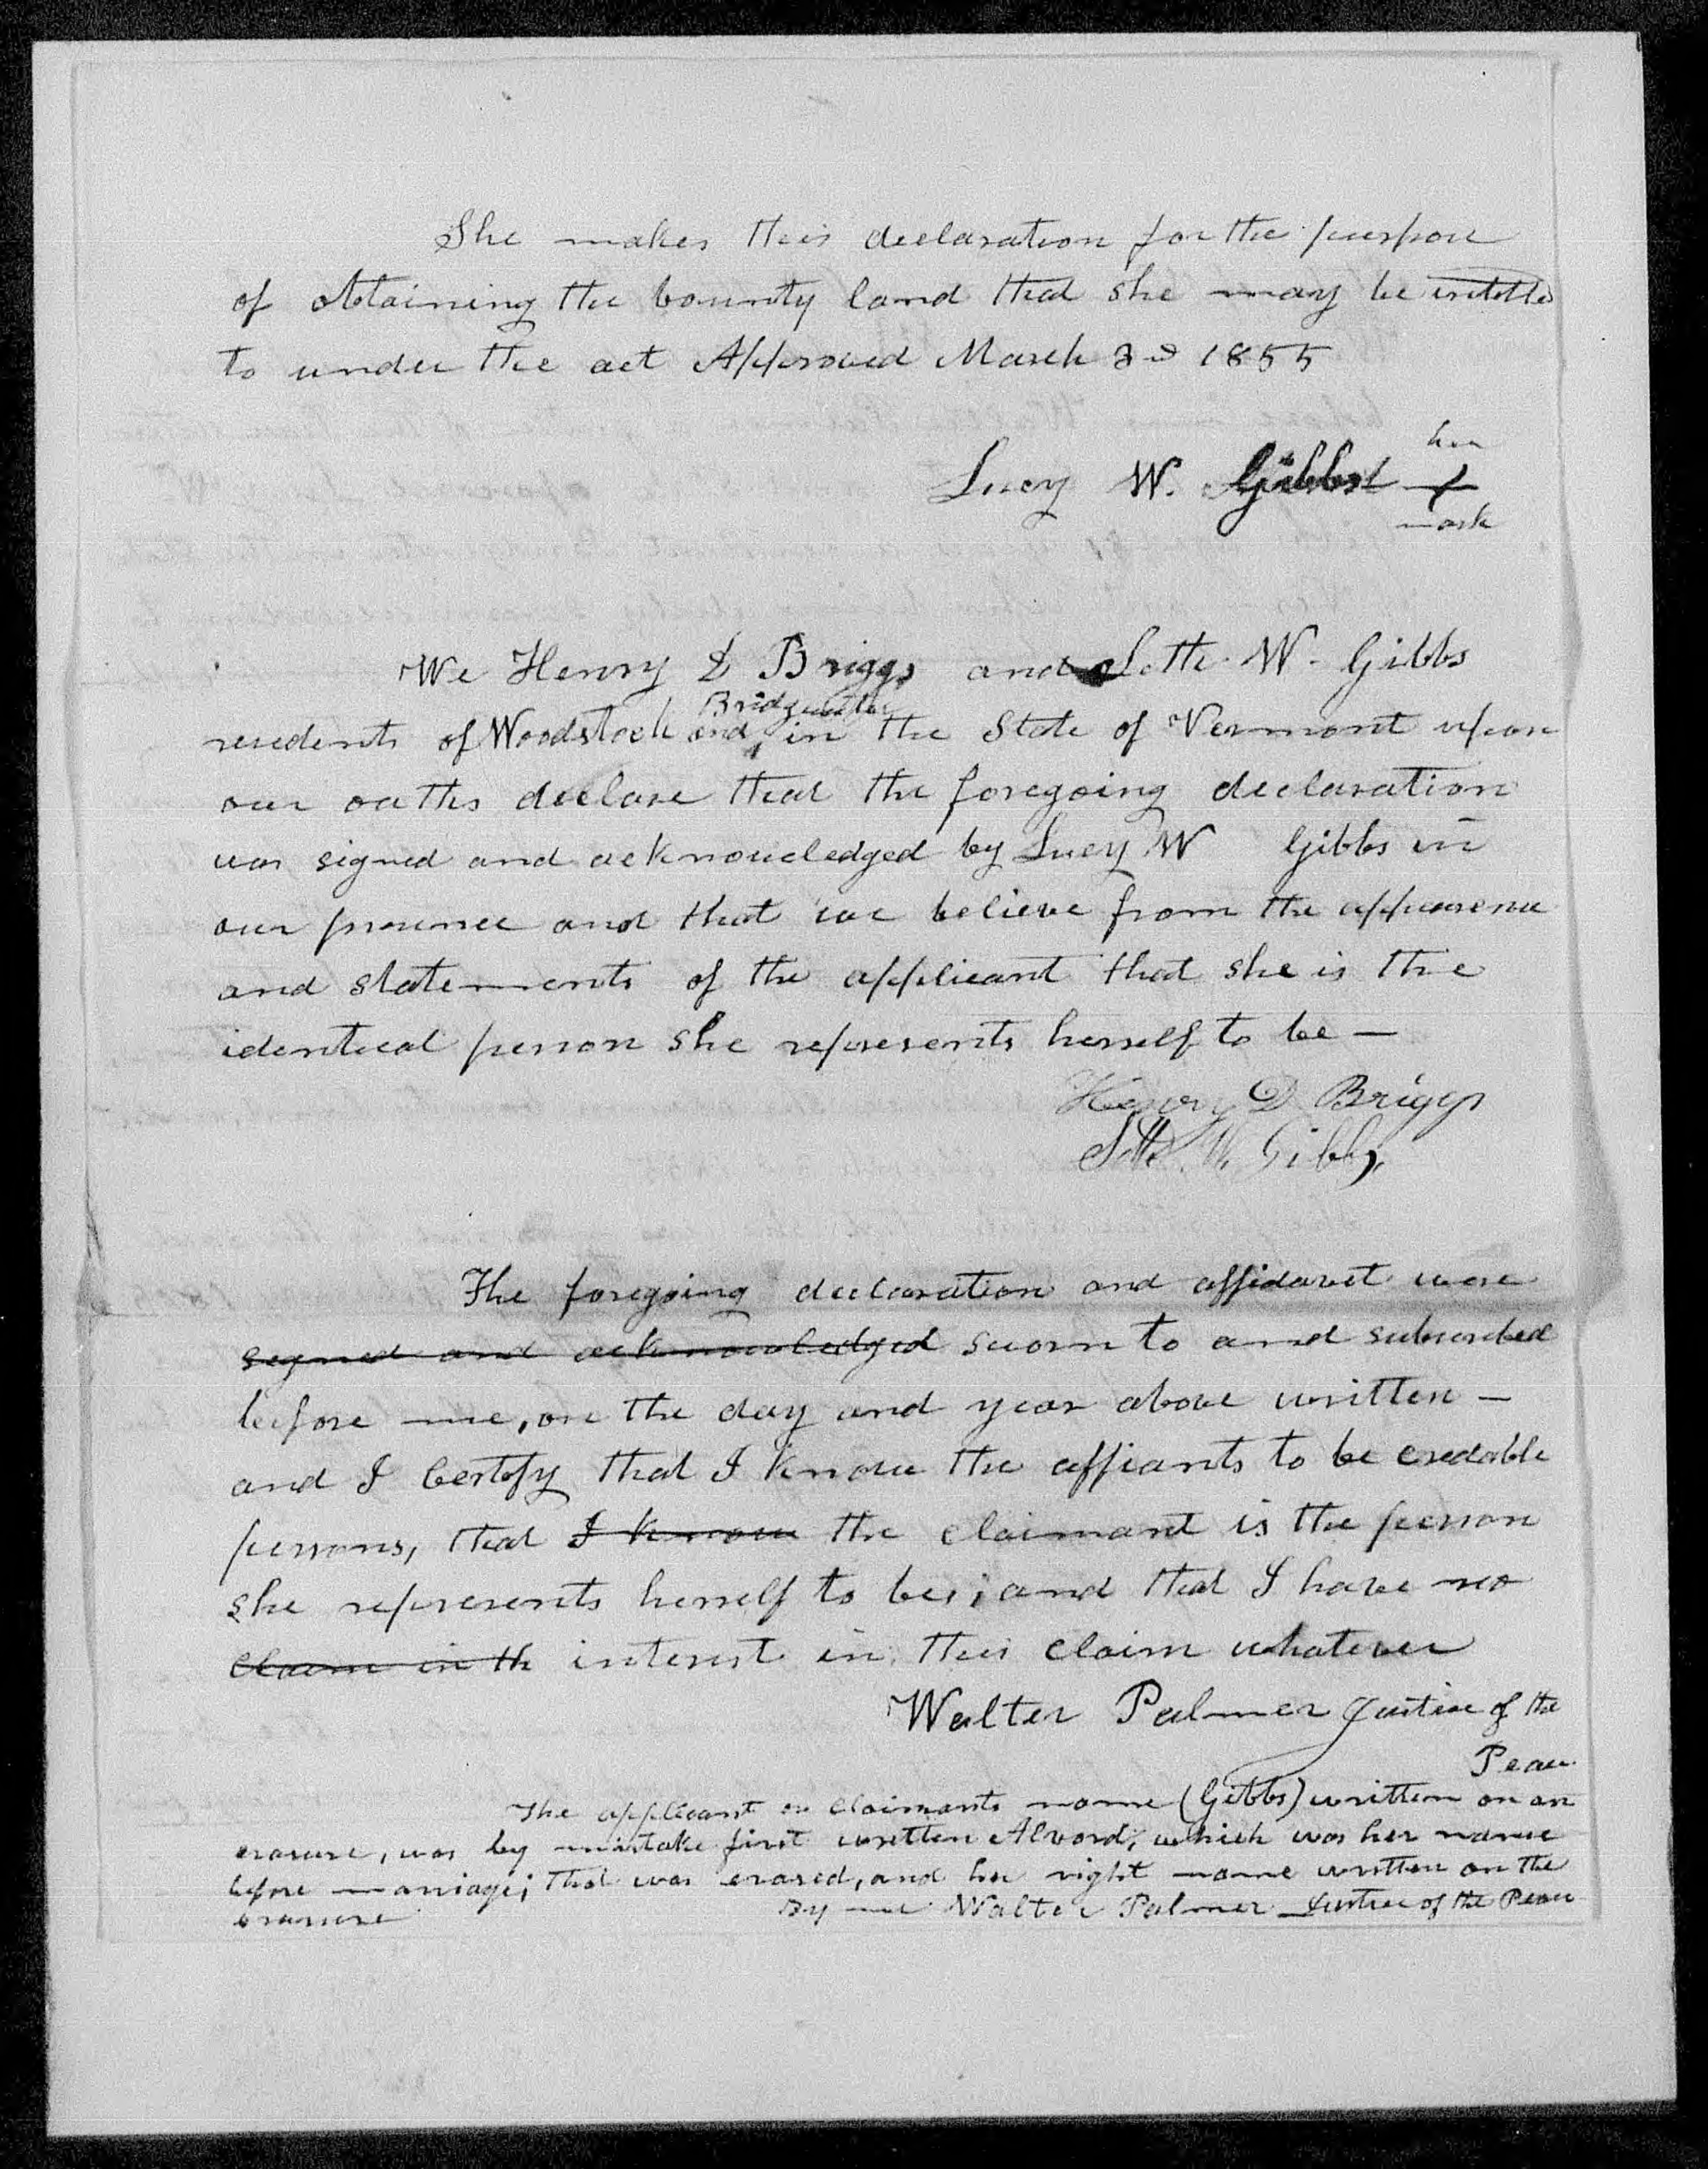She makes this declaration for the purpose
of obtaining the bounty land that she may be entitled to under the act approved March 3rd 1855
her
Lucy W. Gibbs  X
mark

We Henry D. Briggs and Seth W. Gibbs
residents of Woodstock and Bridgewater in the State of Vermont upon our oaths declare that the foregoing declaration was signed and acknowledged by Lucy W Gibbs in our presence and that we believe from the appearance and statements of the applicant that she is the identical person she represents herself to be-
Henry D. Briggs
Seth. W. Gibbs

The foregoing declaration and affidavit were
sworn to and subscribed before me, on the day and year above written- and I certify that I know the applicants to be credible persons, that the claimant is the person she represents herself to be; and that I have no interest in this claim whatever
Walter Palmer Justice of the Peace

The applicant or claimants name (Gibbs) written on an erasure, was by mistake  first written Alvord, which was her name before marriage; that was erased, and her right name written on the erasure
By Walter Palmer Justice of the Peace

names: Lucy W Gibbs, Seth W Gibbs, Henry D Briggs, Gibbs, Alvord, Lucy W Gibbs, Walter Palmer, Seth W Gibbs, Henry D Briggs, Walter Palmer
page: 13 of 33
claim: widow's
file: W. 4681, Josiah Gibbs, Mass